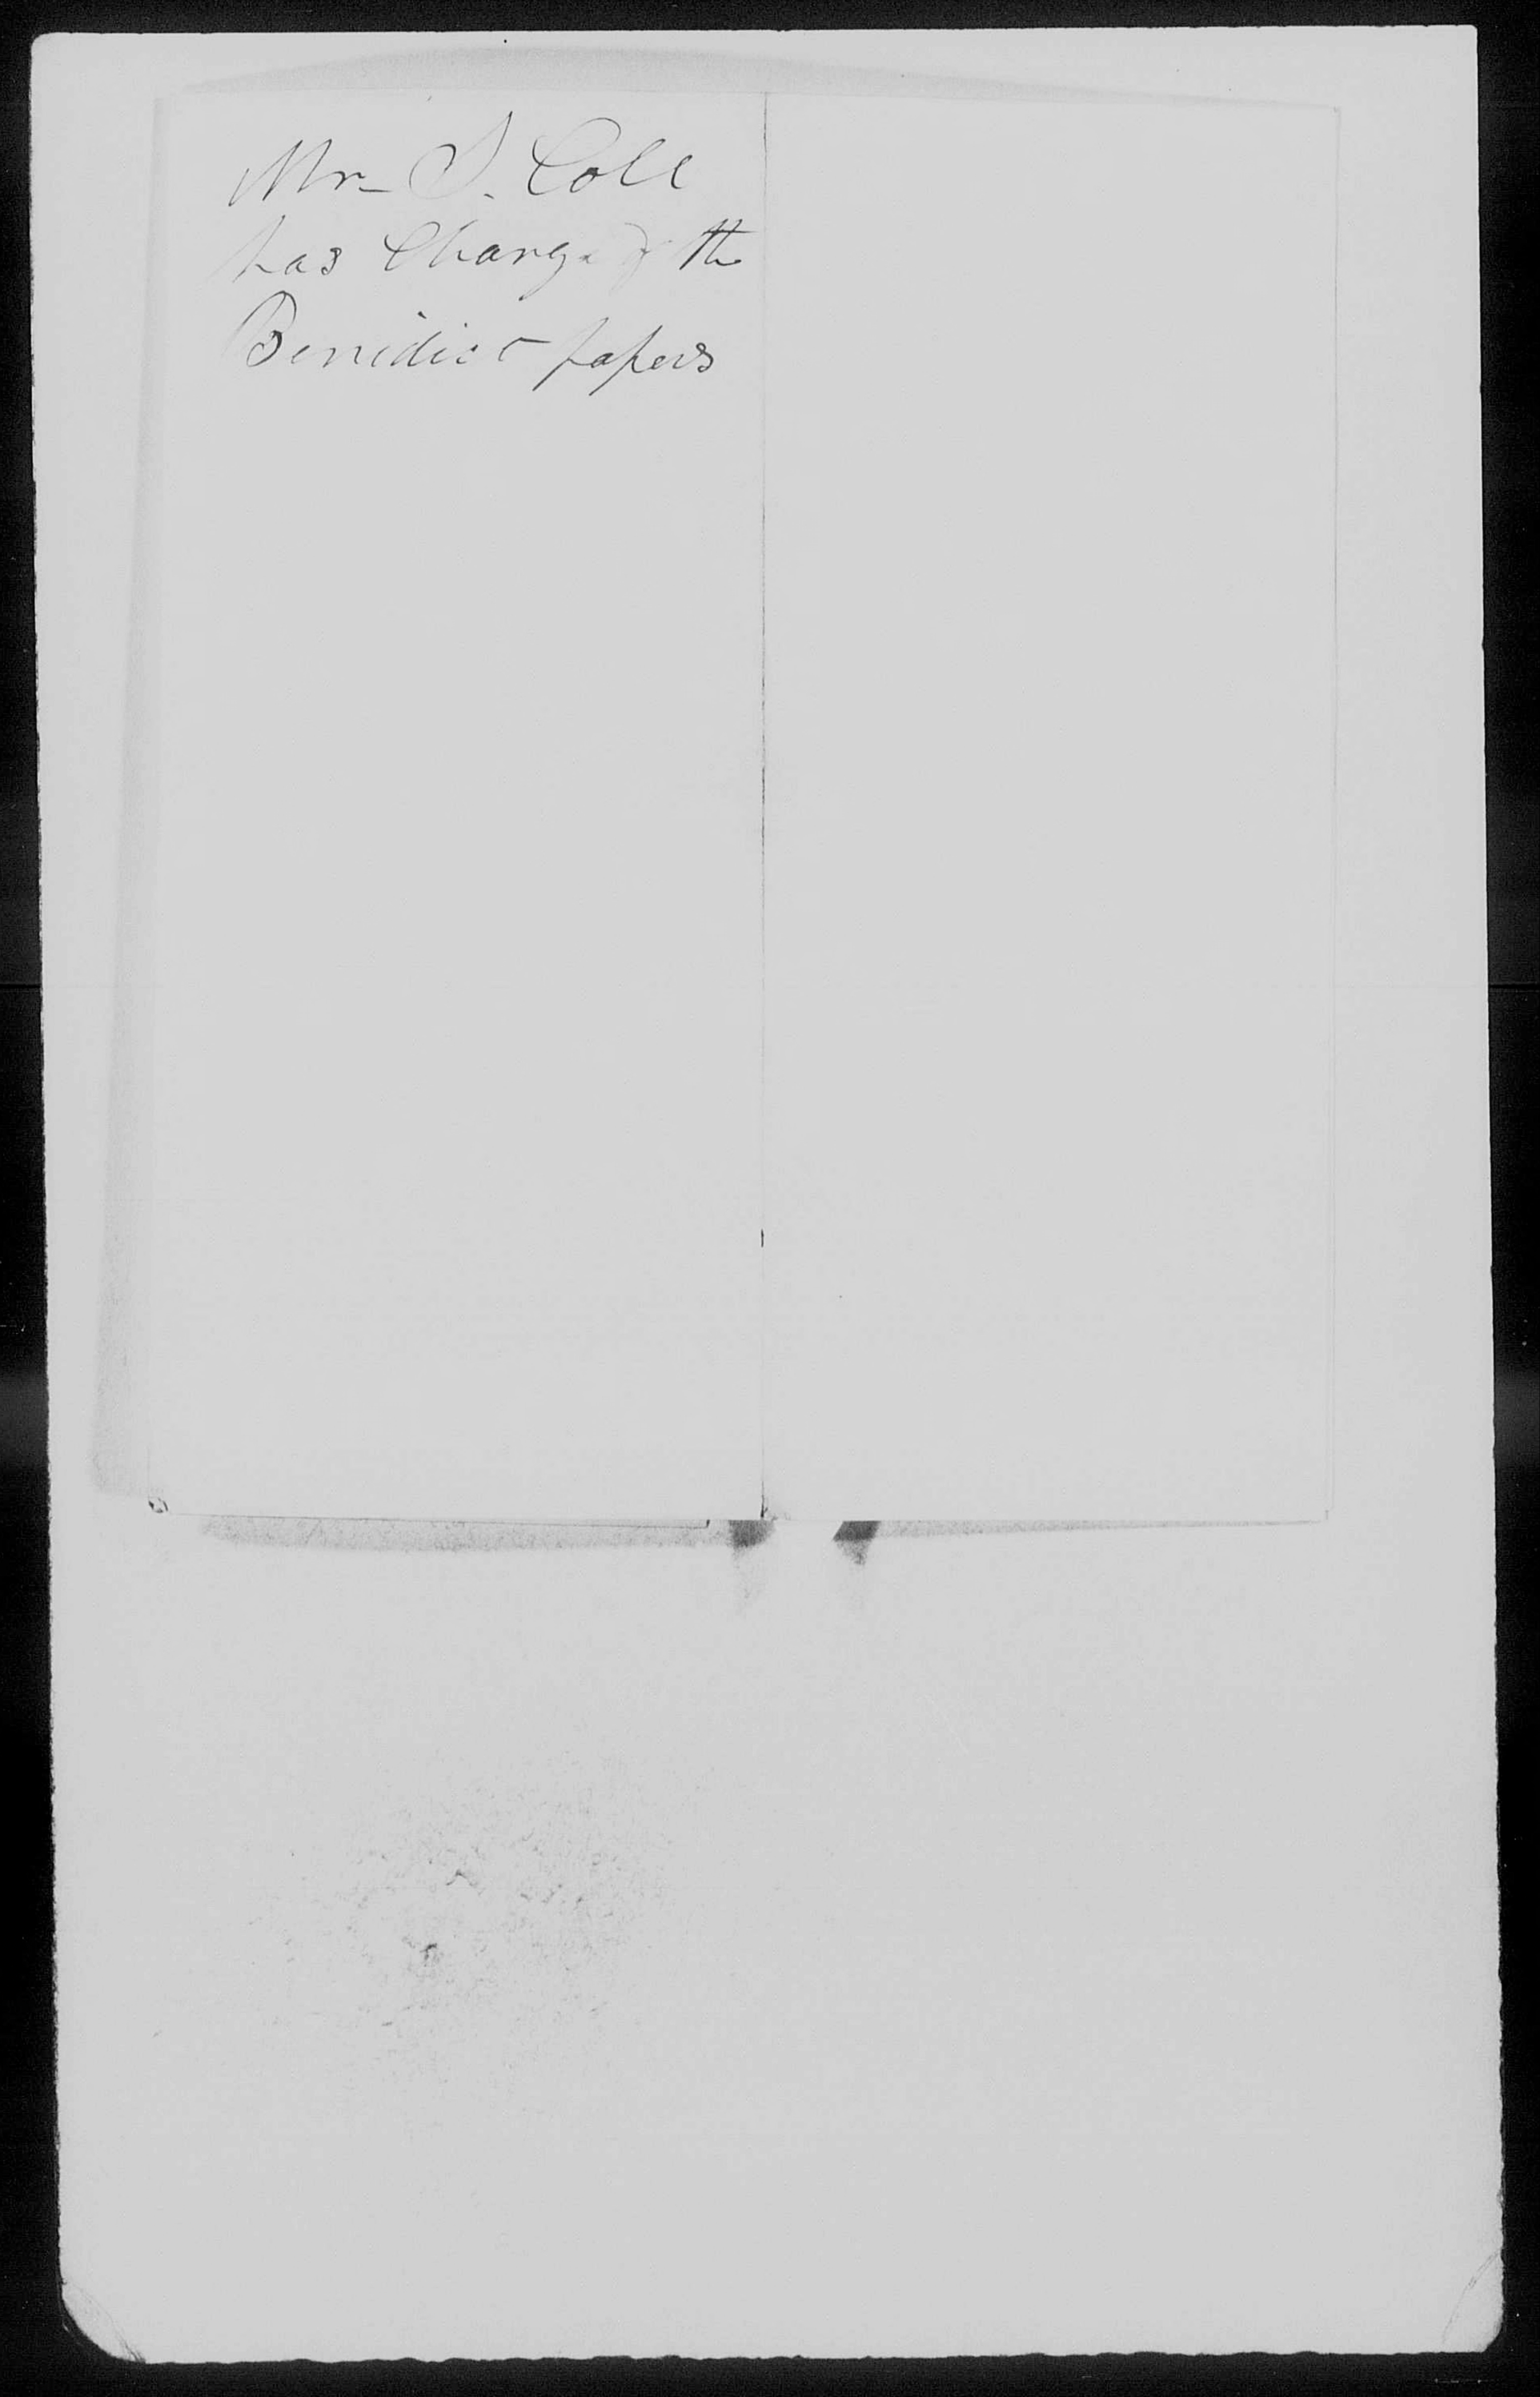Mr. S. Cole has Changed the Benedict papers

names: S Cole, Benedict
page: 105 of 106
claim: survivor's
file: S 23,116., Joshua Benedict, Conn.